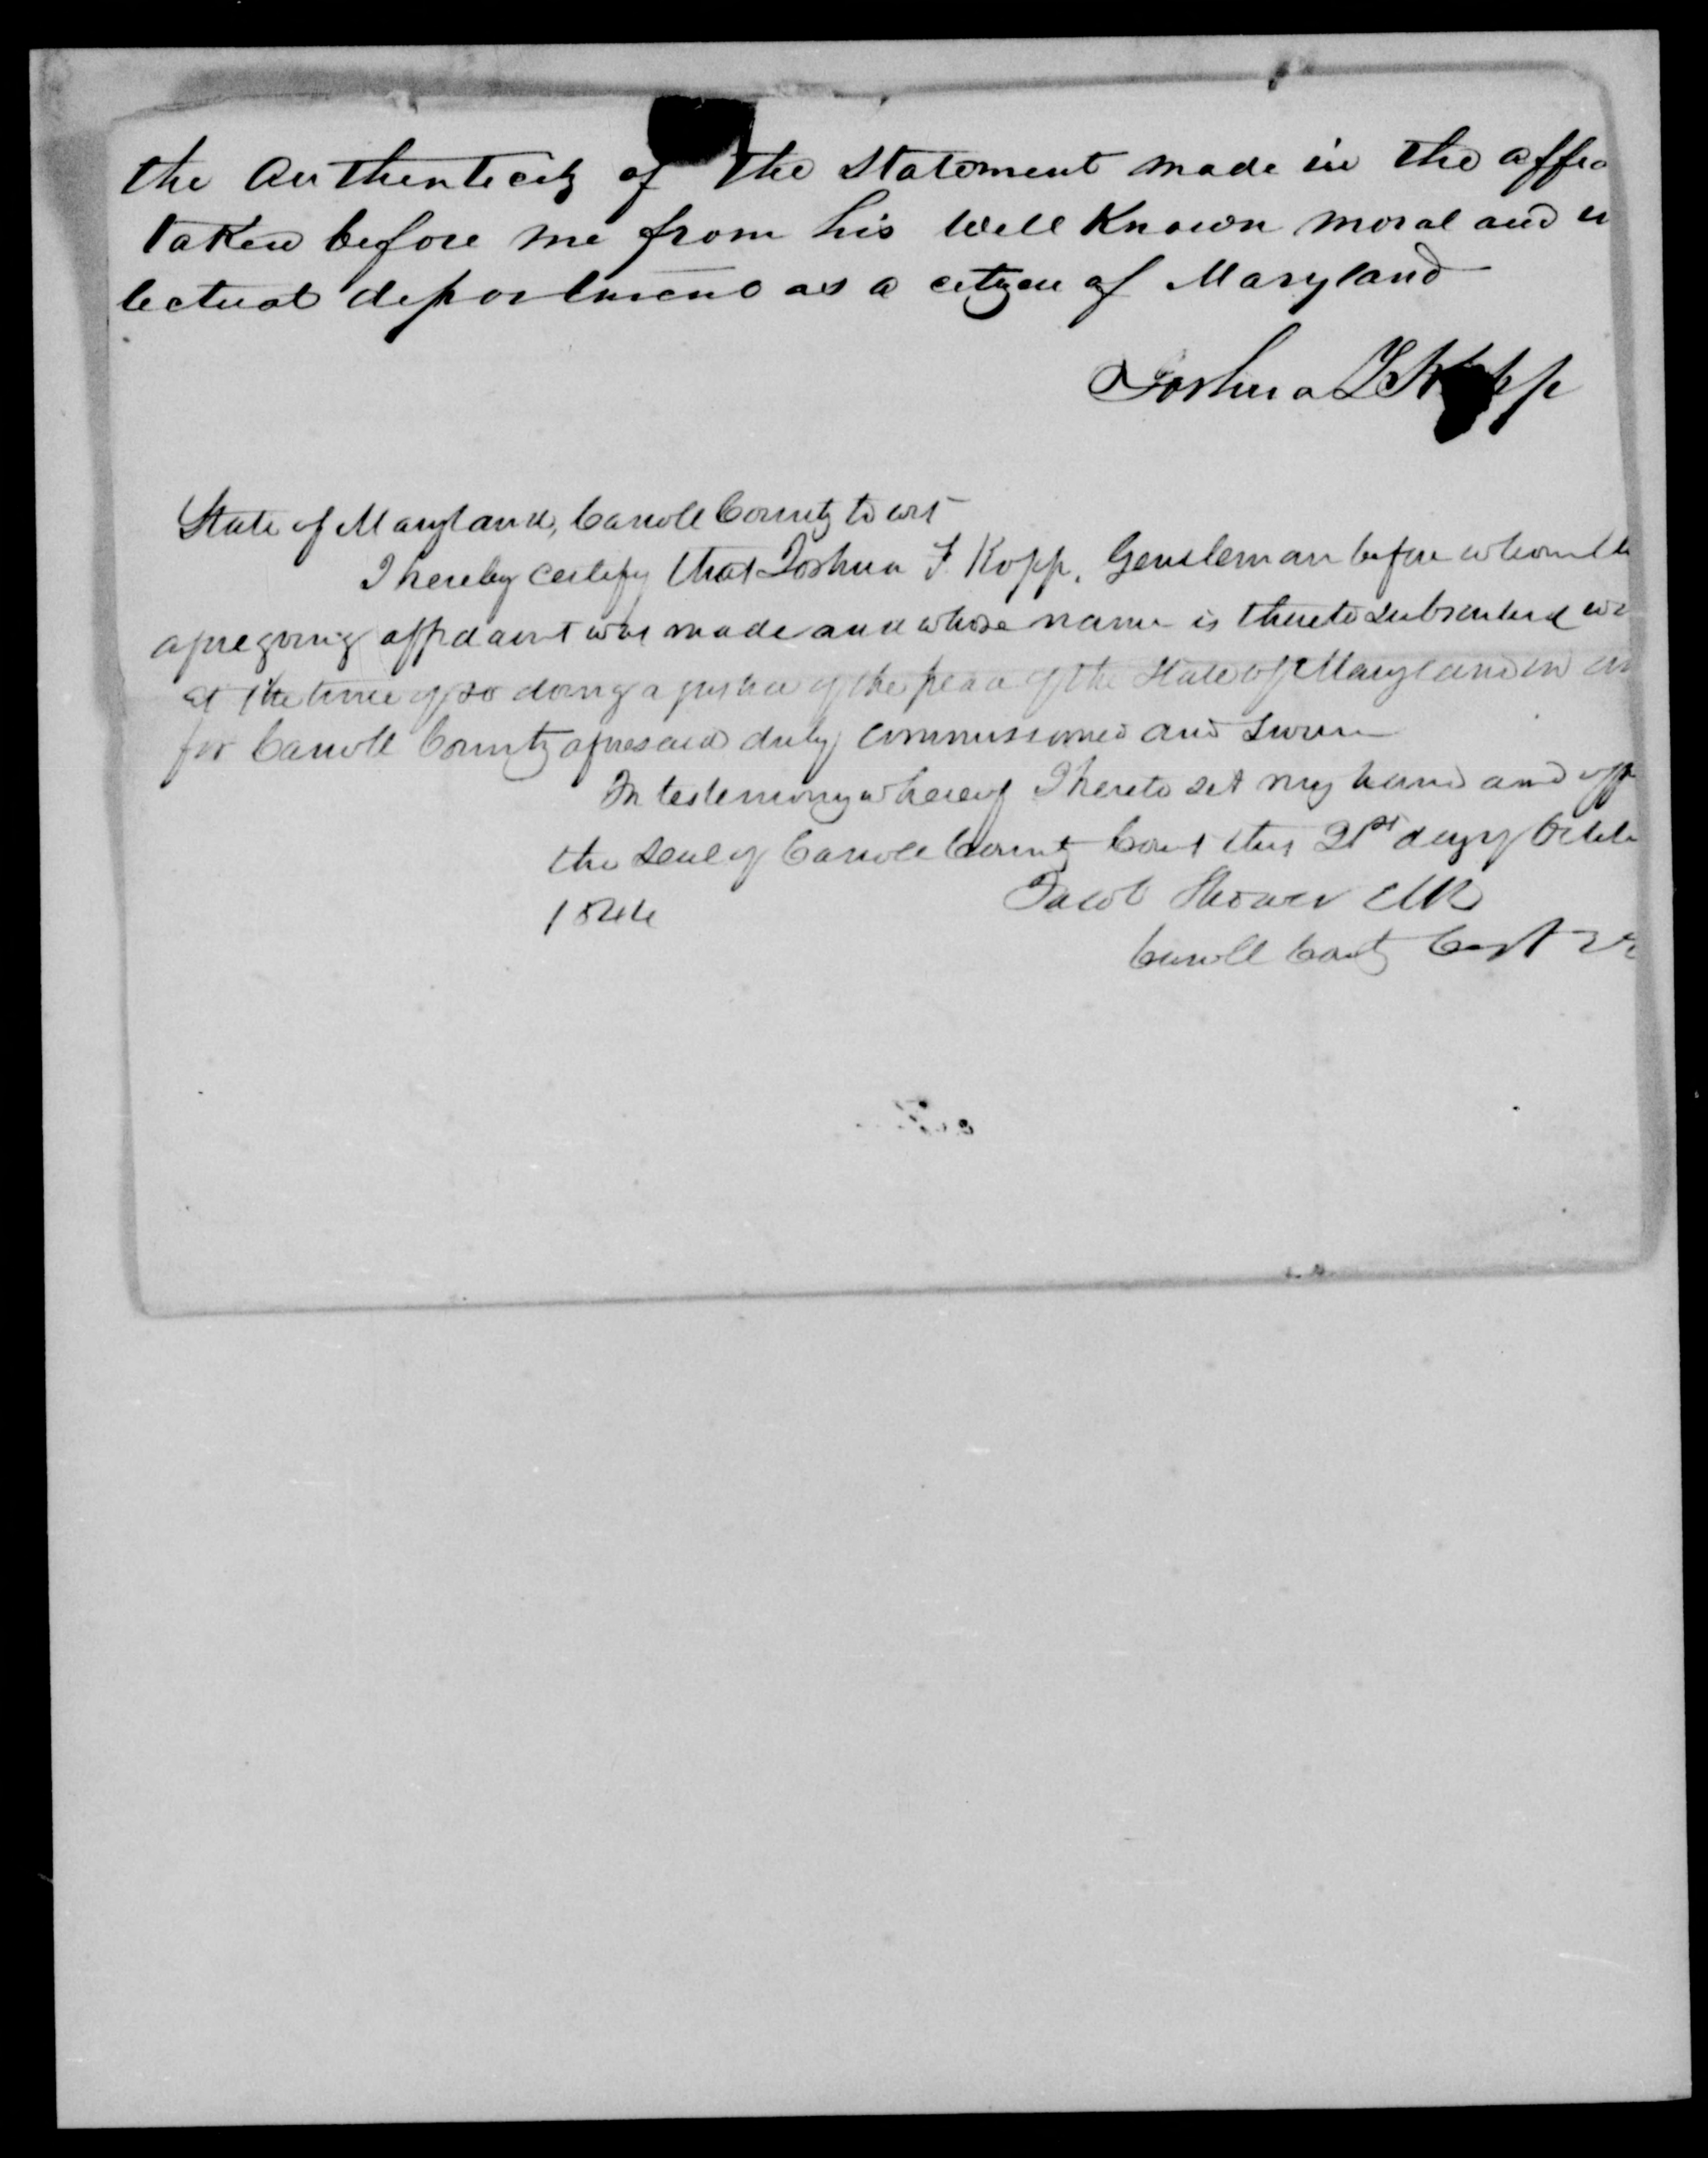the authenticity of the statement made in the affidavit
taken before me from his well known moral and 
intellectual deportment as a citizen of Maryland
Joshua F Kopp

State of Maryland, Carroll County to wit
I hereby certify that Joshua F Kopp, Gentleman before whom the aforegoing affidavit was made and whose name is thereto subscribed we of the time of so doing a Justice of the peace of the State of Maryland in for Carroll County aforesaid duly commissioned and sworn. In testimony whereof I hereto set my hand and of the seal of Carroll County Court this 21st day October 1844
Jacob Shower Clk
Carroll County Court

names: Jacob Shower, Joshua F Kopp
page: 43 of 68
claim: survivor's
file: S. 6,358, George Wentling, Penn.